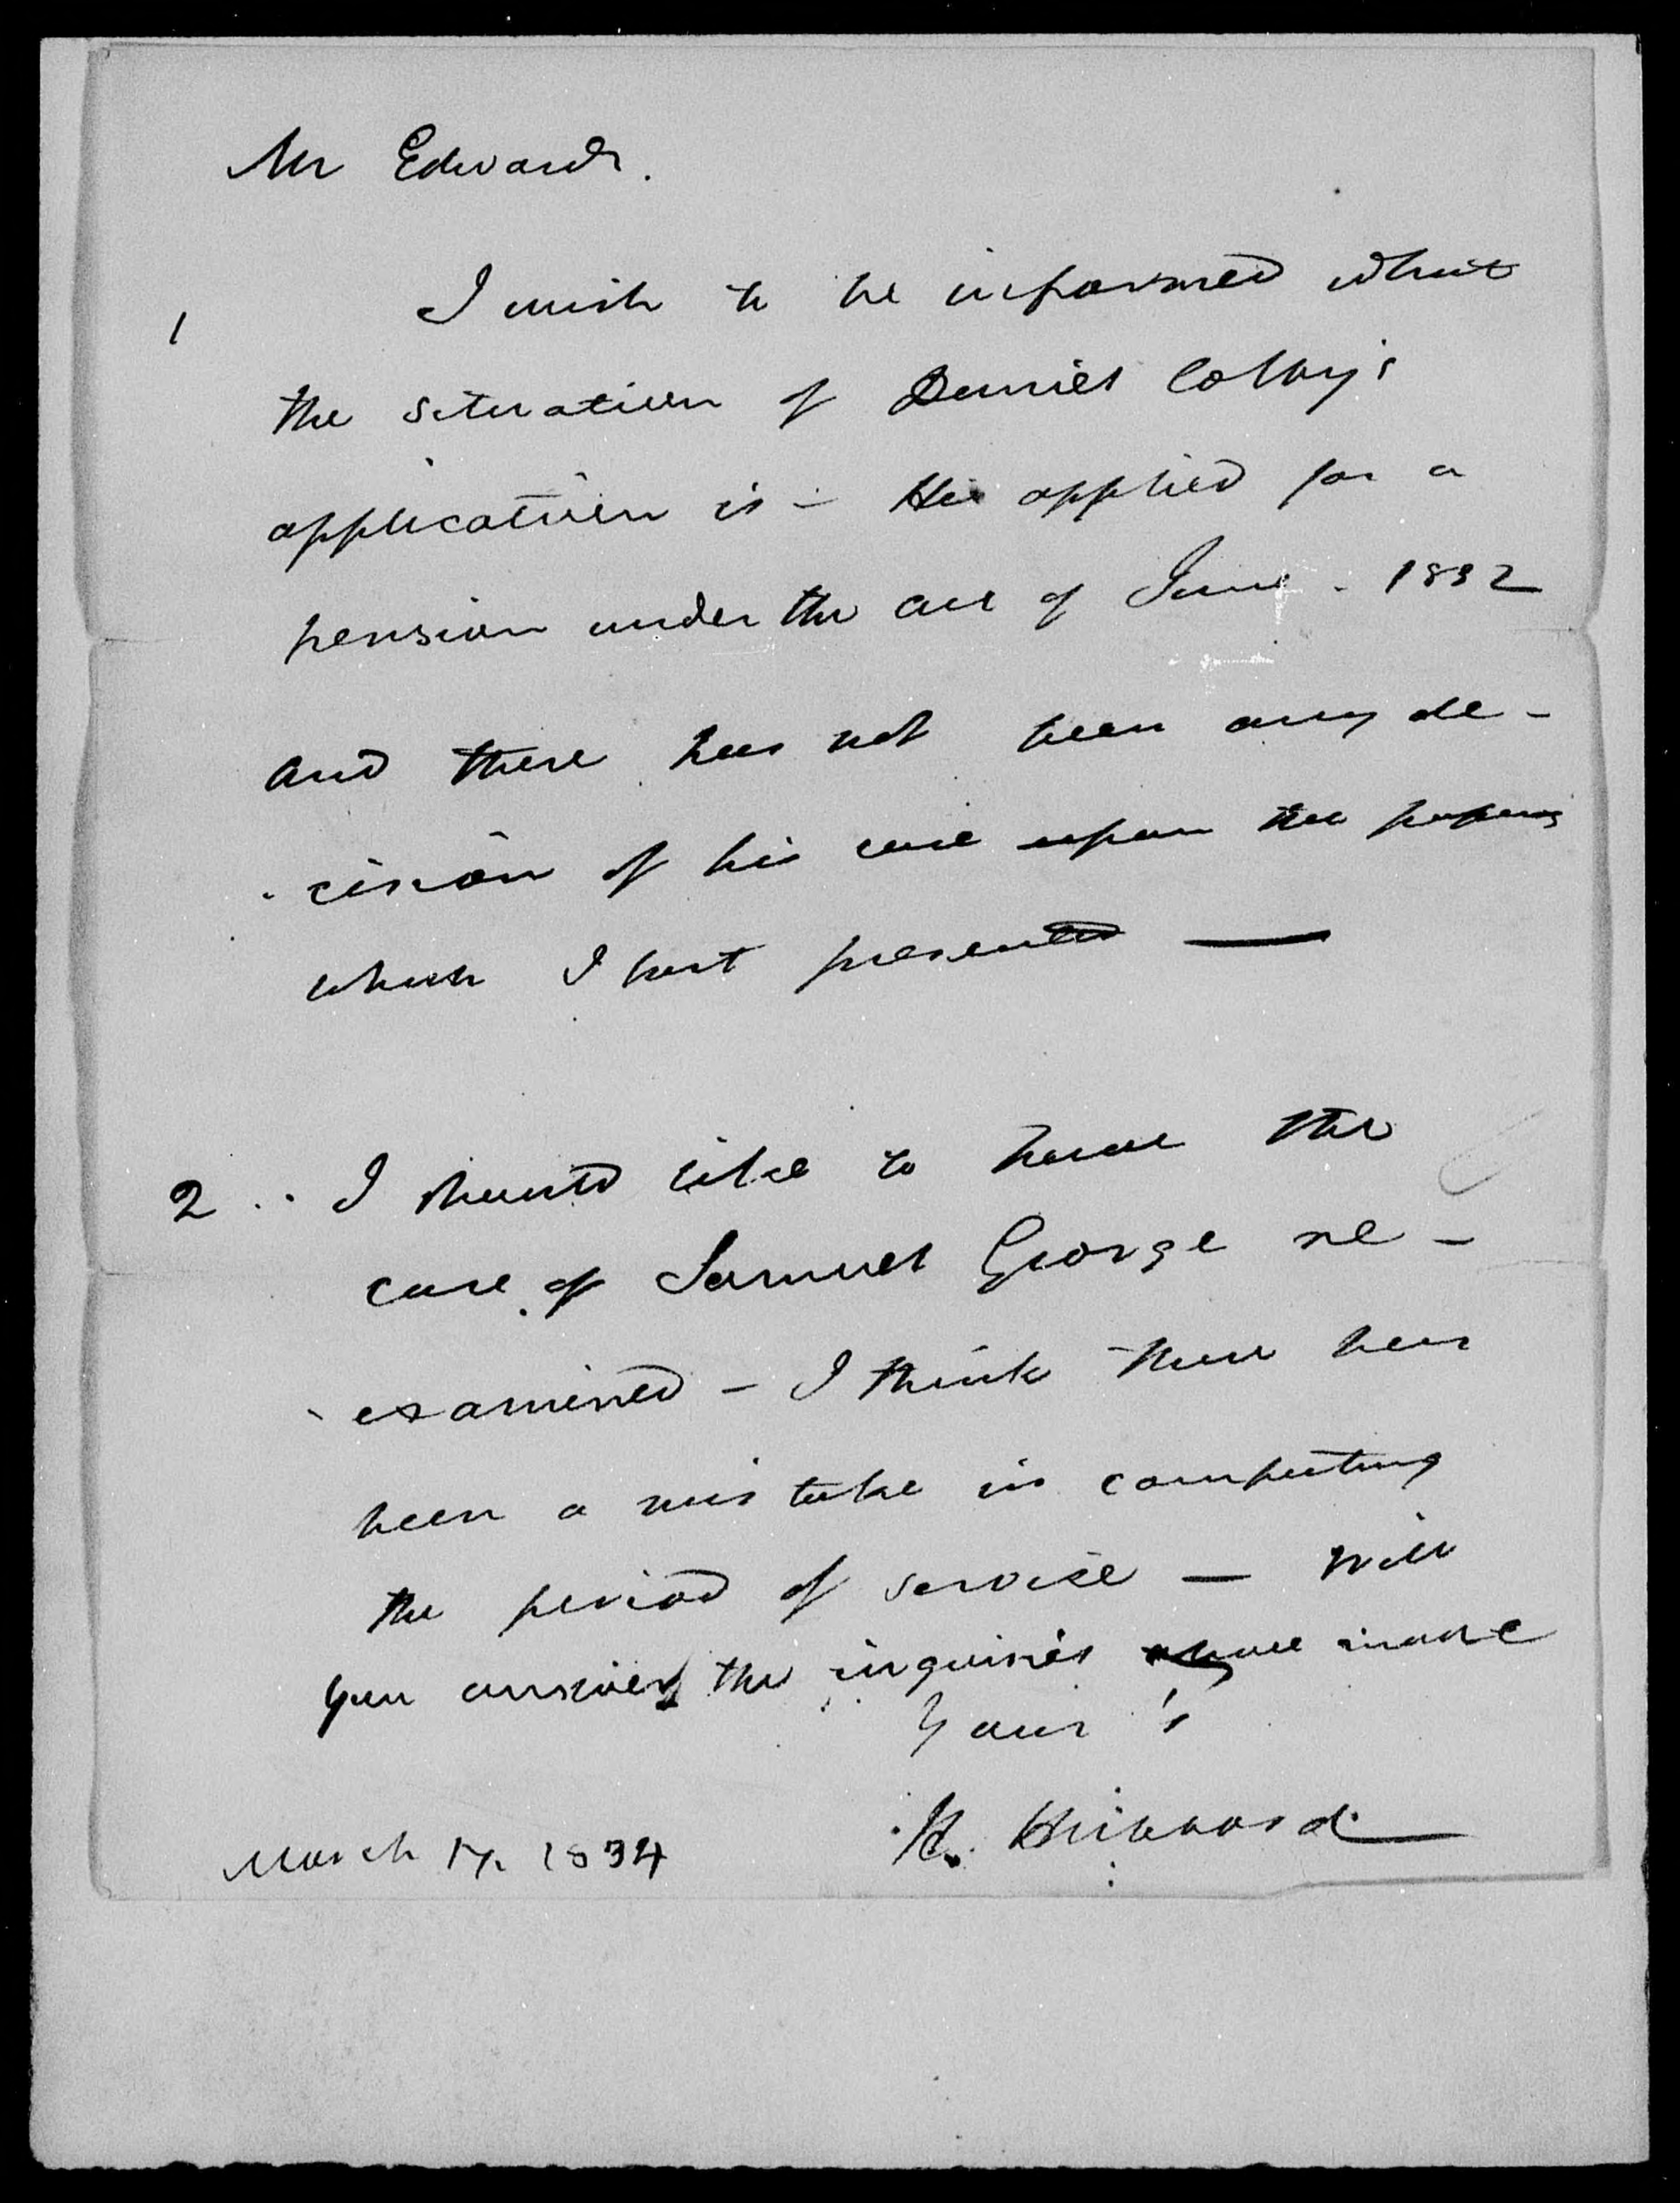Mr. Edward, 

1. I wish to be informed what
the situation of Daniel Colby's
application is. He applied for a
pension under the [illegible] of June 1832
and there has not been any decision
of his case upon [illegible] which I have presented. 

2. I [illegible] the case of Samuel George reexamined. I think there has been a mistake in computing the period of service. Will you answer the inquiries [illegible]?
H. Hubbard
March 17, 1834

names: Daniel Colby, Edwards, Samuel George, H Hubbard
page: 10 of 19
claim: survivor's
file: S. 15140, Samuel George, N.H.